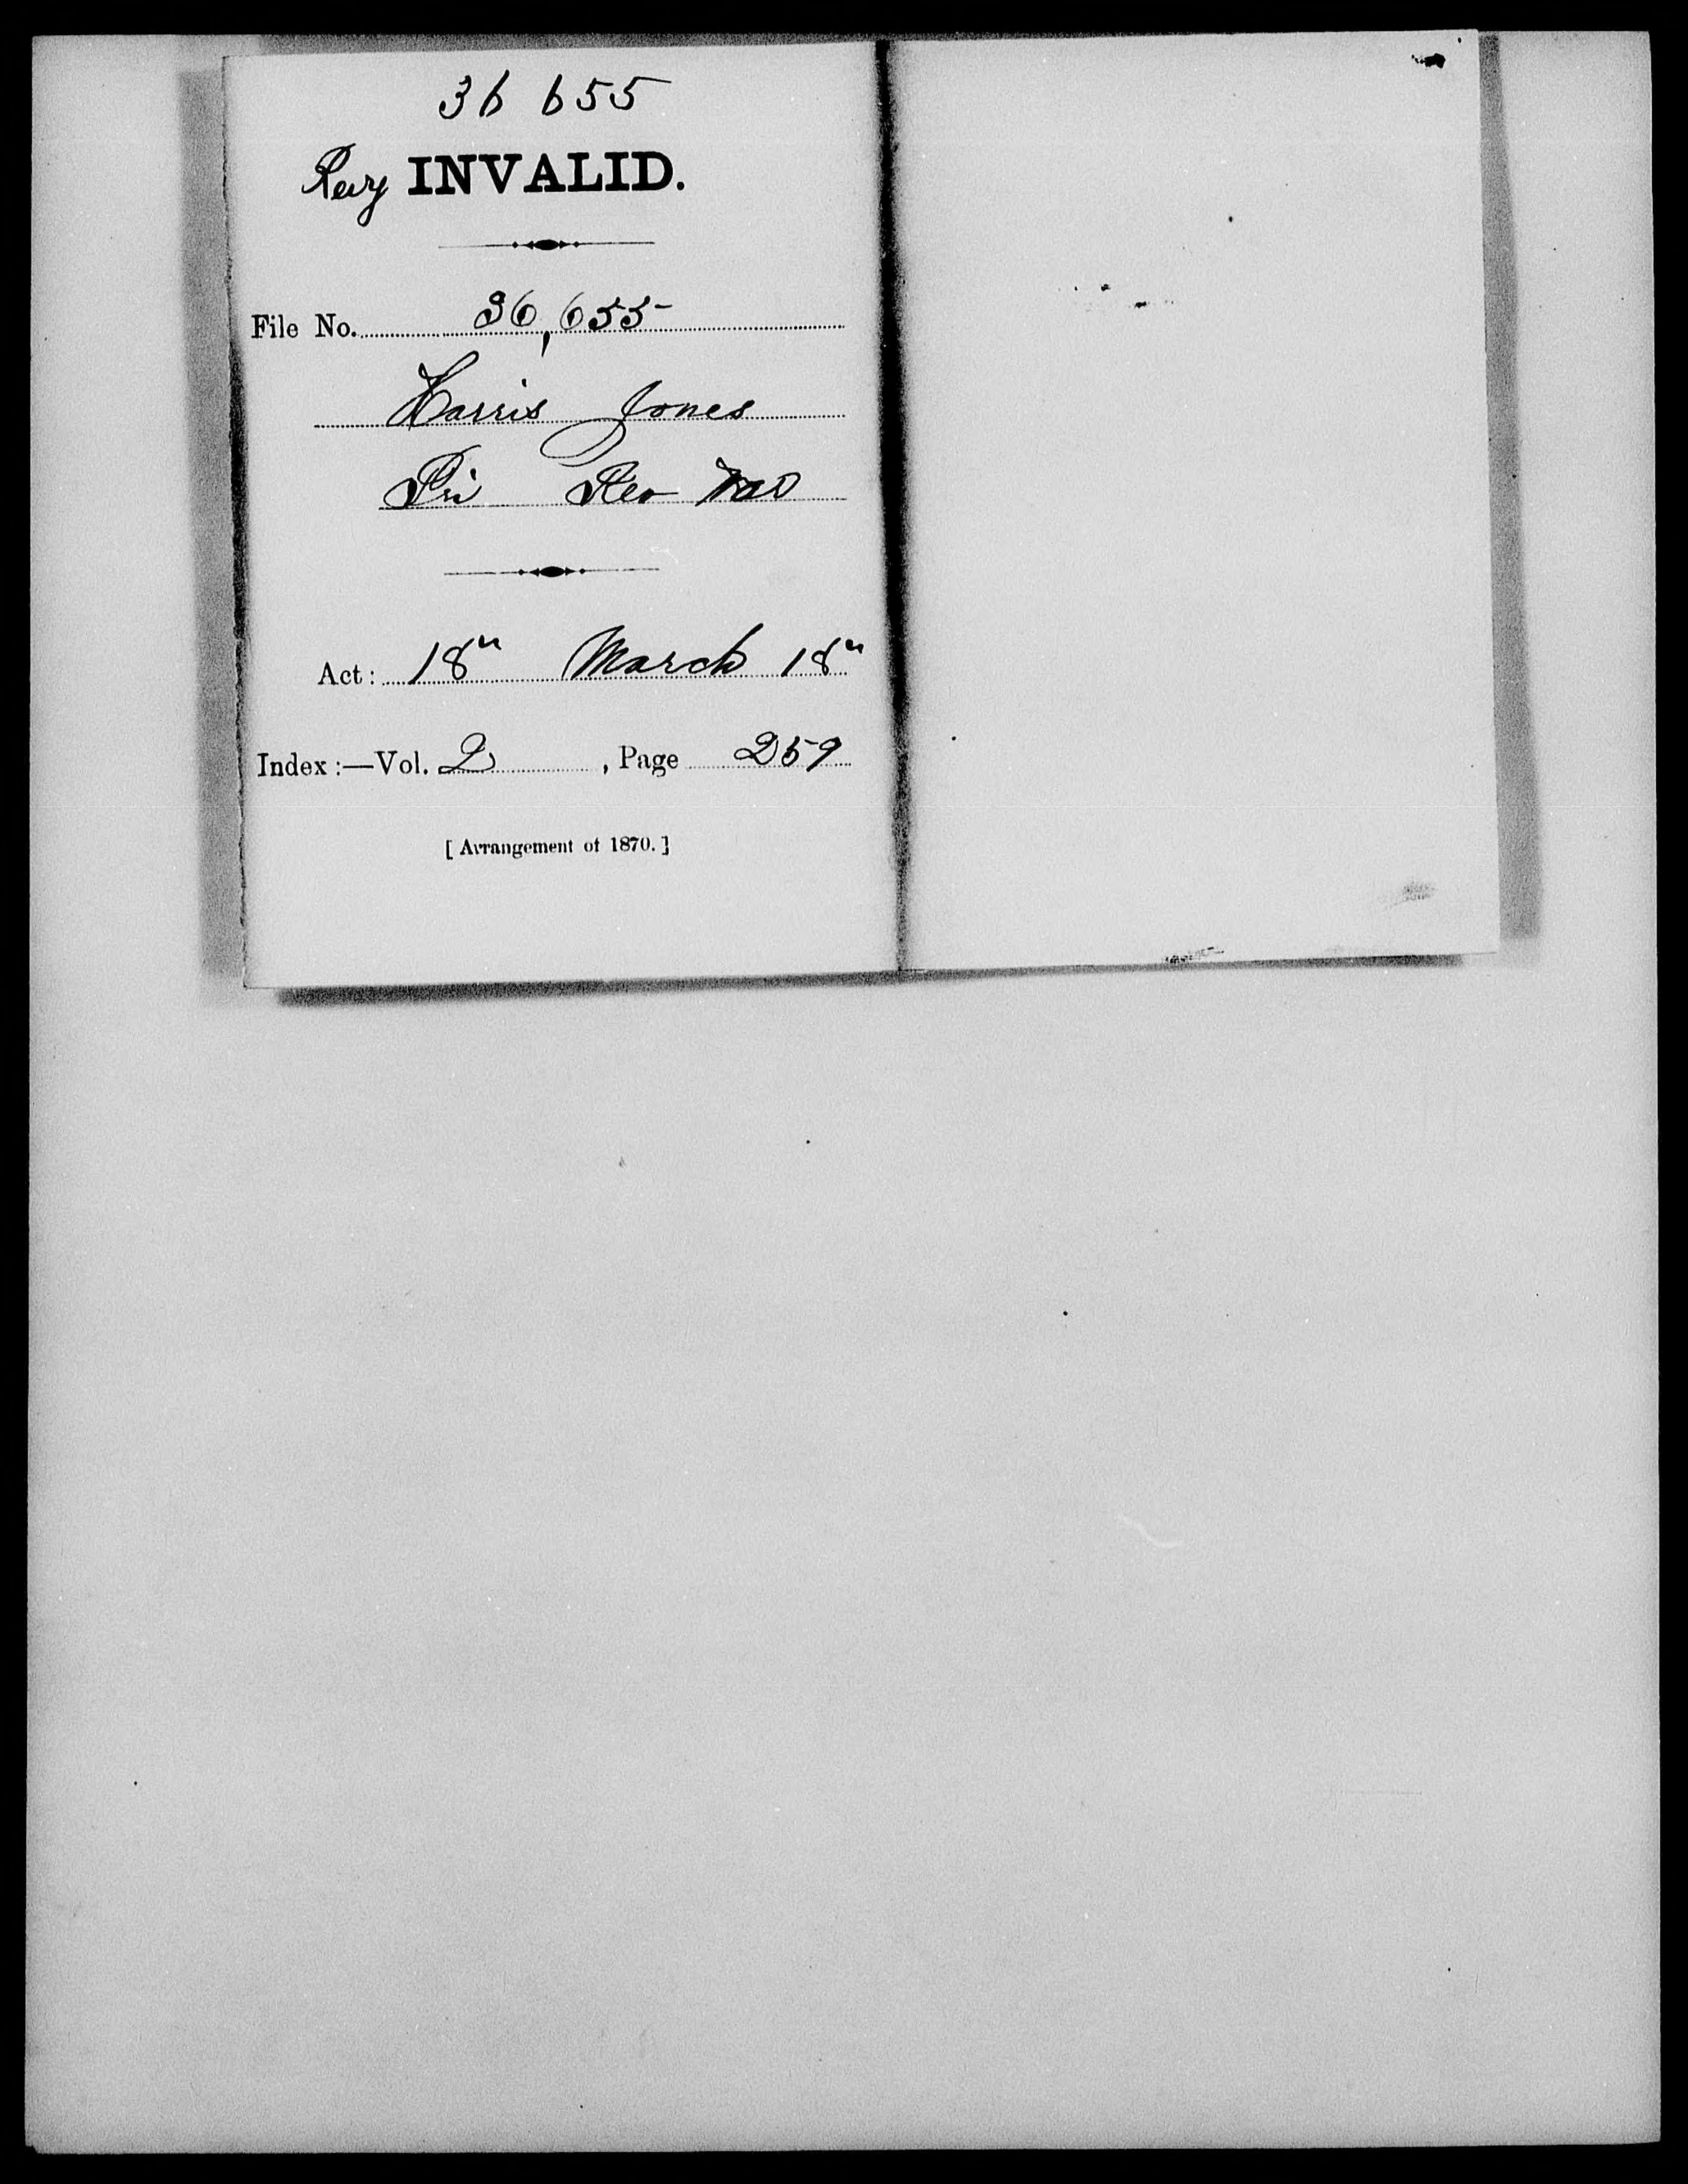36655
    Revy                  INVALID
    File No.   36,655
     Harris Jones
     Pri       Rev War

Act:  18" March 18"
Index:- Vol. 2, Page 259

           [Arrangement of 1870.]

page: 11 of 11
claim: survivor's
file: S. 36655, for Harris Jones, Connecticut